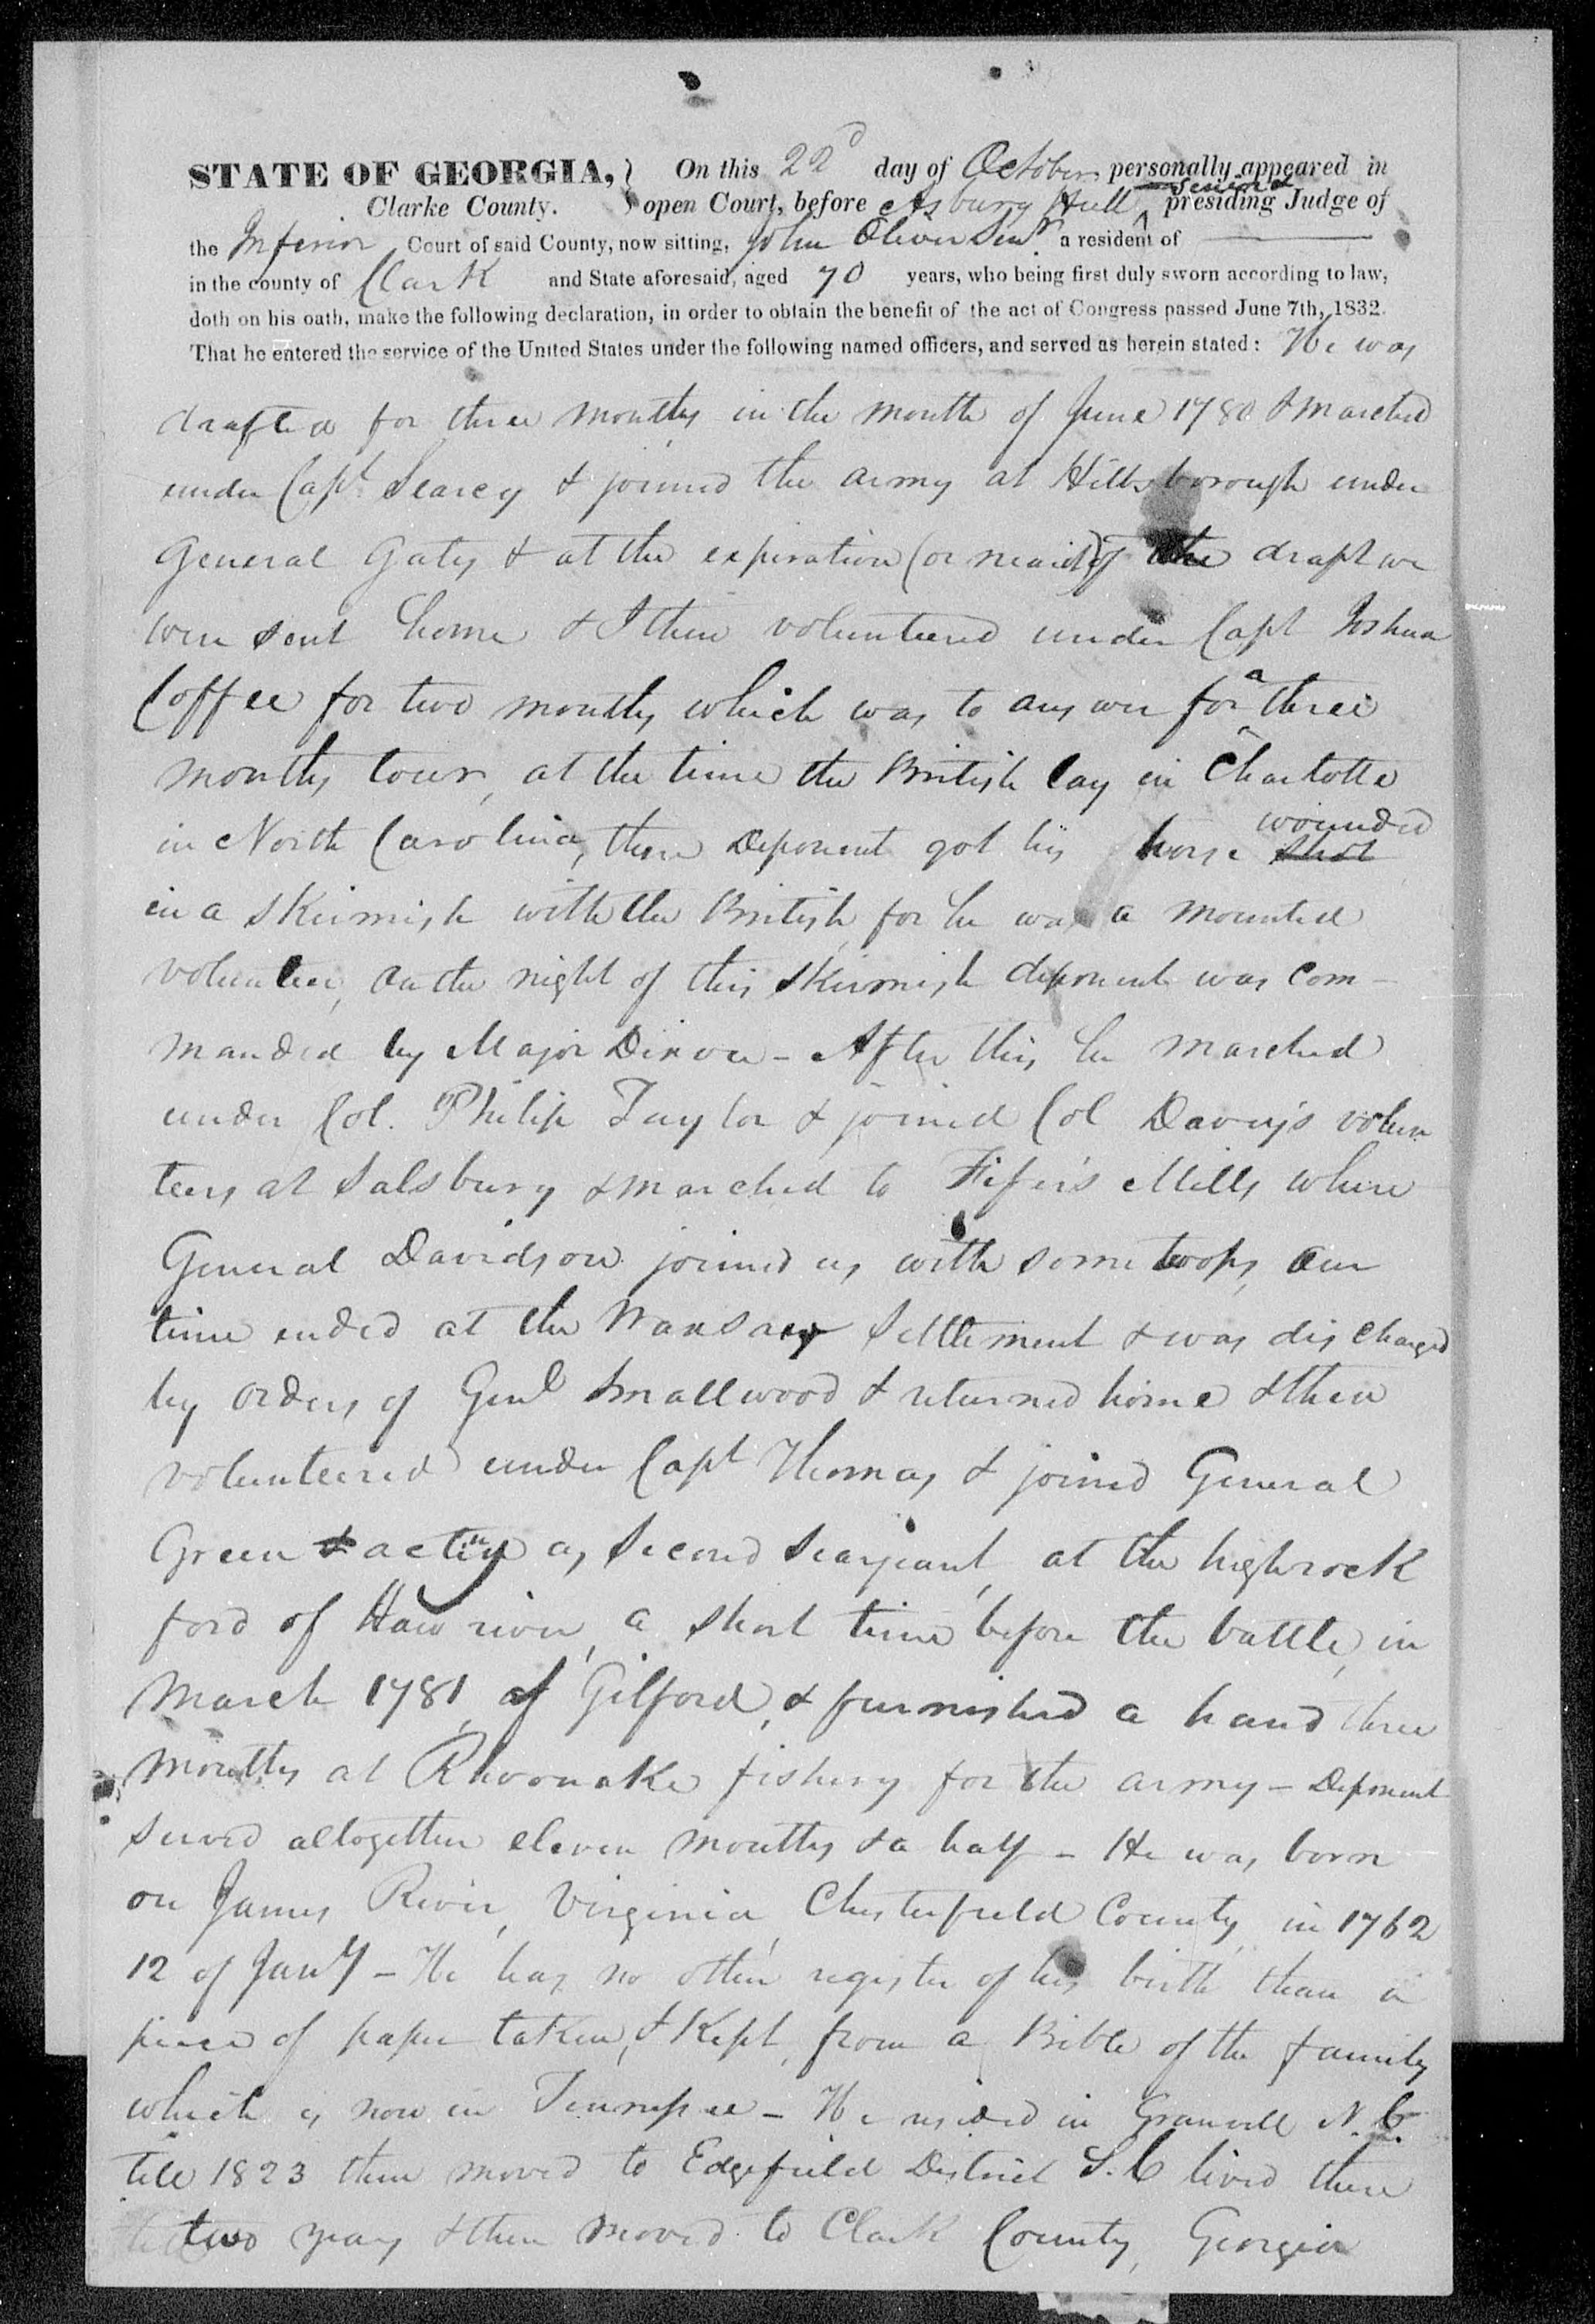STATE OF GEORGIA, On this 22nd day of October personally appeared in Clarke County open Court, before Asbury Hull Senior presiding Judge of the Inferior Court of said County, now sitting, John Oliver Senr. a resident of ___ in the county of Clark and State aforesaid, aged 70 years, who being first duly sworn according to law, doth on his oath, make the following declaration, in order to obtain the benefit of the act of Congress passed June 7th, 1832.  That he entered the service of the United States under the following named officers, and served as herein stated:
  He was drafted for three months 
in the month of June 1780 & marched under Capt. Searcy & joined the Army at Hillsboro under General Gates & at the expiration (or near it) of the draft we were sent home & I 
then volunteered under Capt. Joshua Coffee for two months which was to answer for a three months tour at the time the British lay in Charlotte in North Carolina then Deponent got his horse wounded in a skirmish with the British for he was a mounted volunteer; on the night of this skirmish deponent was commanded by Major Dixon.  After this he marched under Col. Philip Taylor & joined Col. Davy's volunteers at Salisbury & marched to Fifer's Mills where General Davidson joined us with some troops our time ended at the Waxhaw settlement & was discharged by order of General Smallwood & returned home & then volunteered under Capt. Thomas & 
acting as Second Lieut. at the high rock Ford 
of Haw River, a short time before the battle in March 1781 of Guilford   furnished a hard three months at Roanoke fishing for the Army -- deponent served altogether eleven months & a half.  He was born on James River Virginia, Chesterfield County in 1762 12 of January.  He has no other register of his birth than a piece of paper taken & kept from a Bible of the family which is now in Tennessee.  He resided in Granville N. C. till 1823 then moved to Edgefield District SC lived there two years & then moved to Clarke County, Georgia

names: John Oliver; [BLANK] Green; [BLANK] Dixon; [BLANK] Davry; [BLANK] Smallwood; [BLANK] Gates; [BLANK] Davidson; Philip Taylor; [BLANK] Thomas; [BLANK] Searcy; Joshua Coffee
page: 4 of 32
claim: survivor's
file: S. 31888, for John Oliver, North Carolina